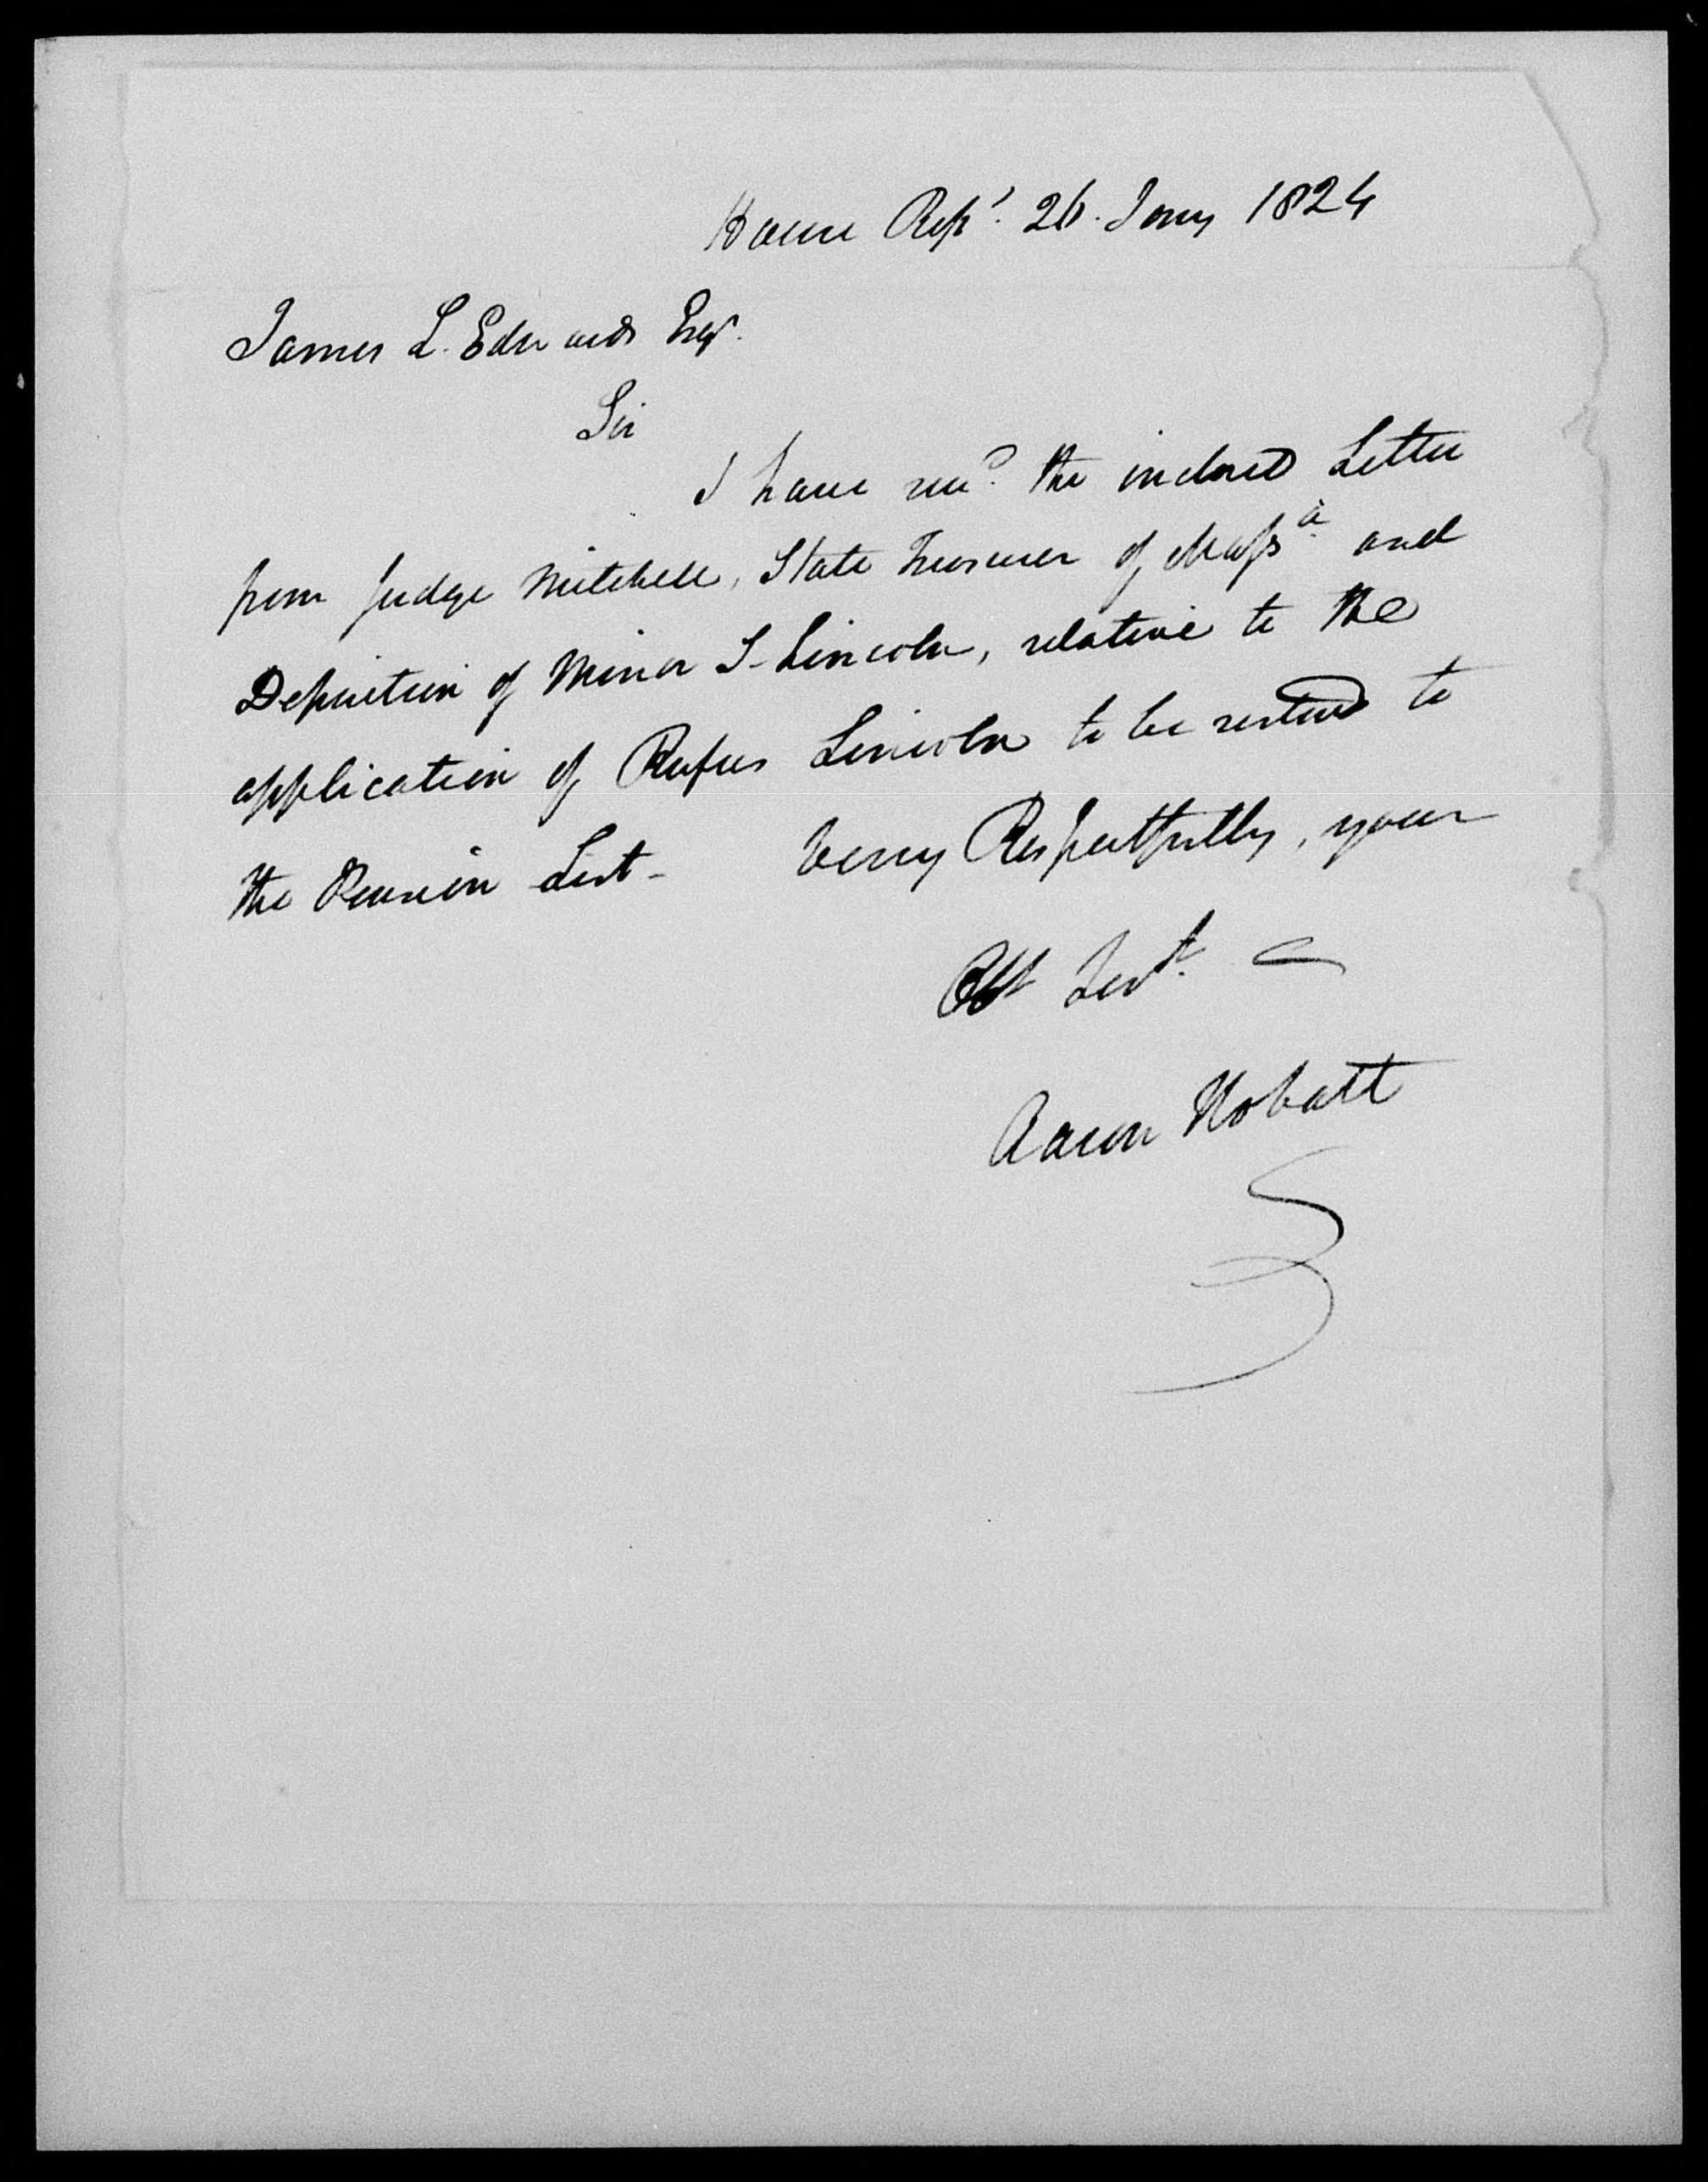House Reps. 26 Jany 1824
James L. Edwards Esq
Sir
I have read the enclosed Letter from Judge Mitchell, State Treasurer of Mass and Desposition of Minor S. Lincoln, relative to the
application of Rufus Lincoln to be restored to
the Pension List-
Very Respectfully, your Obt Svt-
Aaron Hobatt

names: Rufus Lincoln; James L Edwards; Aaron Hobatt; Minor S Lincoln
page: 33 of 82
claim: widow's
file: W. 13,634, for Rufus Lincoln, Massachusetts